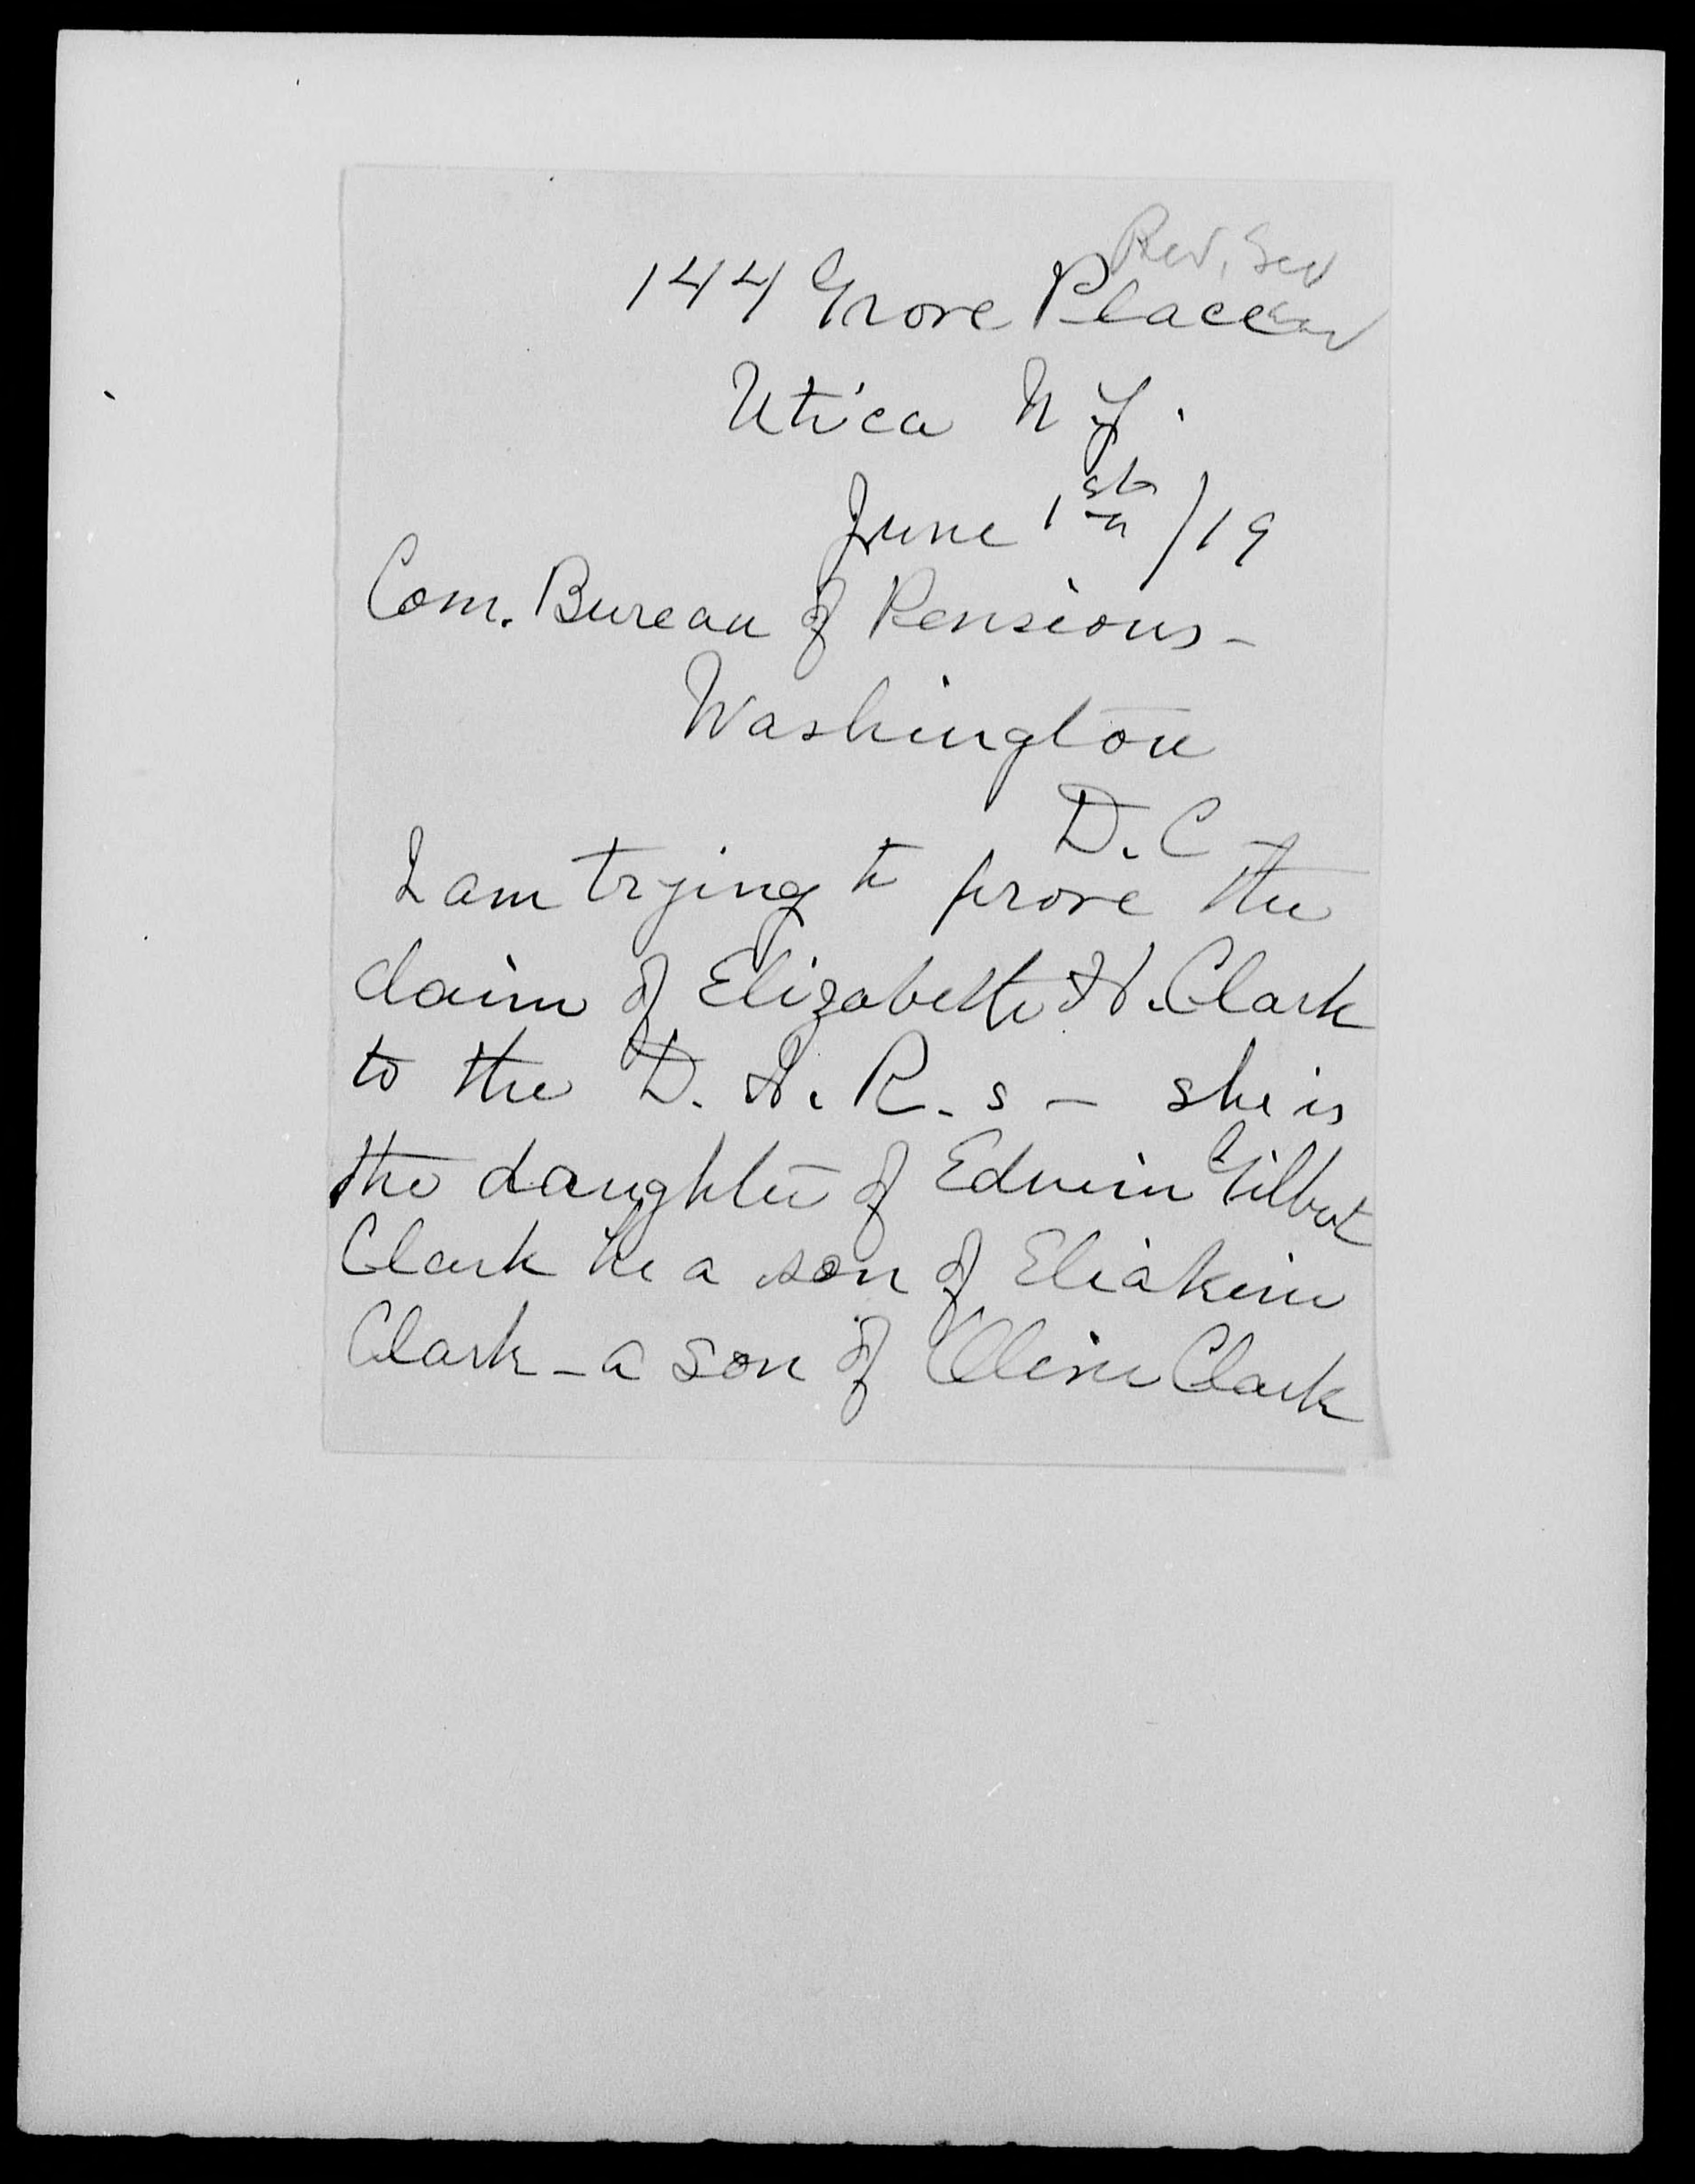[handwritten
Rev. Sev War
144 More Place
Utica NY.
June 1st/19
Com. Bureau of Pensions – 
Washington D.C.
I am trying to prove the claim of Elizabeth H. Clark to the D.A.R.s – she is the daughter of Edwin Gilbert Clark he a son of Eliakim Clark _ a son of Oliver Clark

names: Eliakim Clark, Oliver Clark, Edwin Gilbert Clark, Elizabeth H Clark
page: 16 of 51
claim: widow's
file: W. 23816, Oliver Clark, Conn.